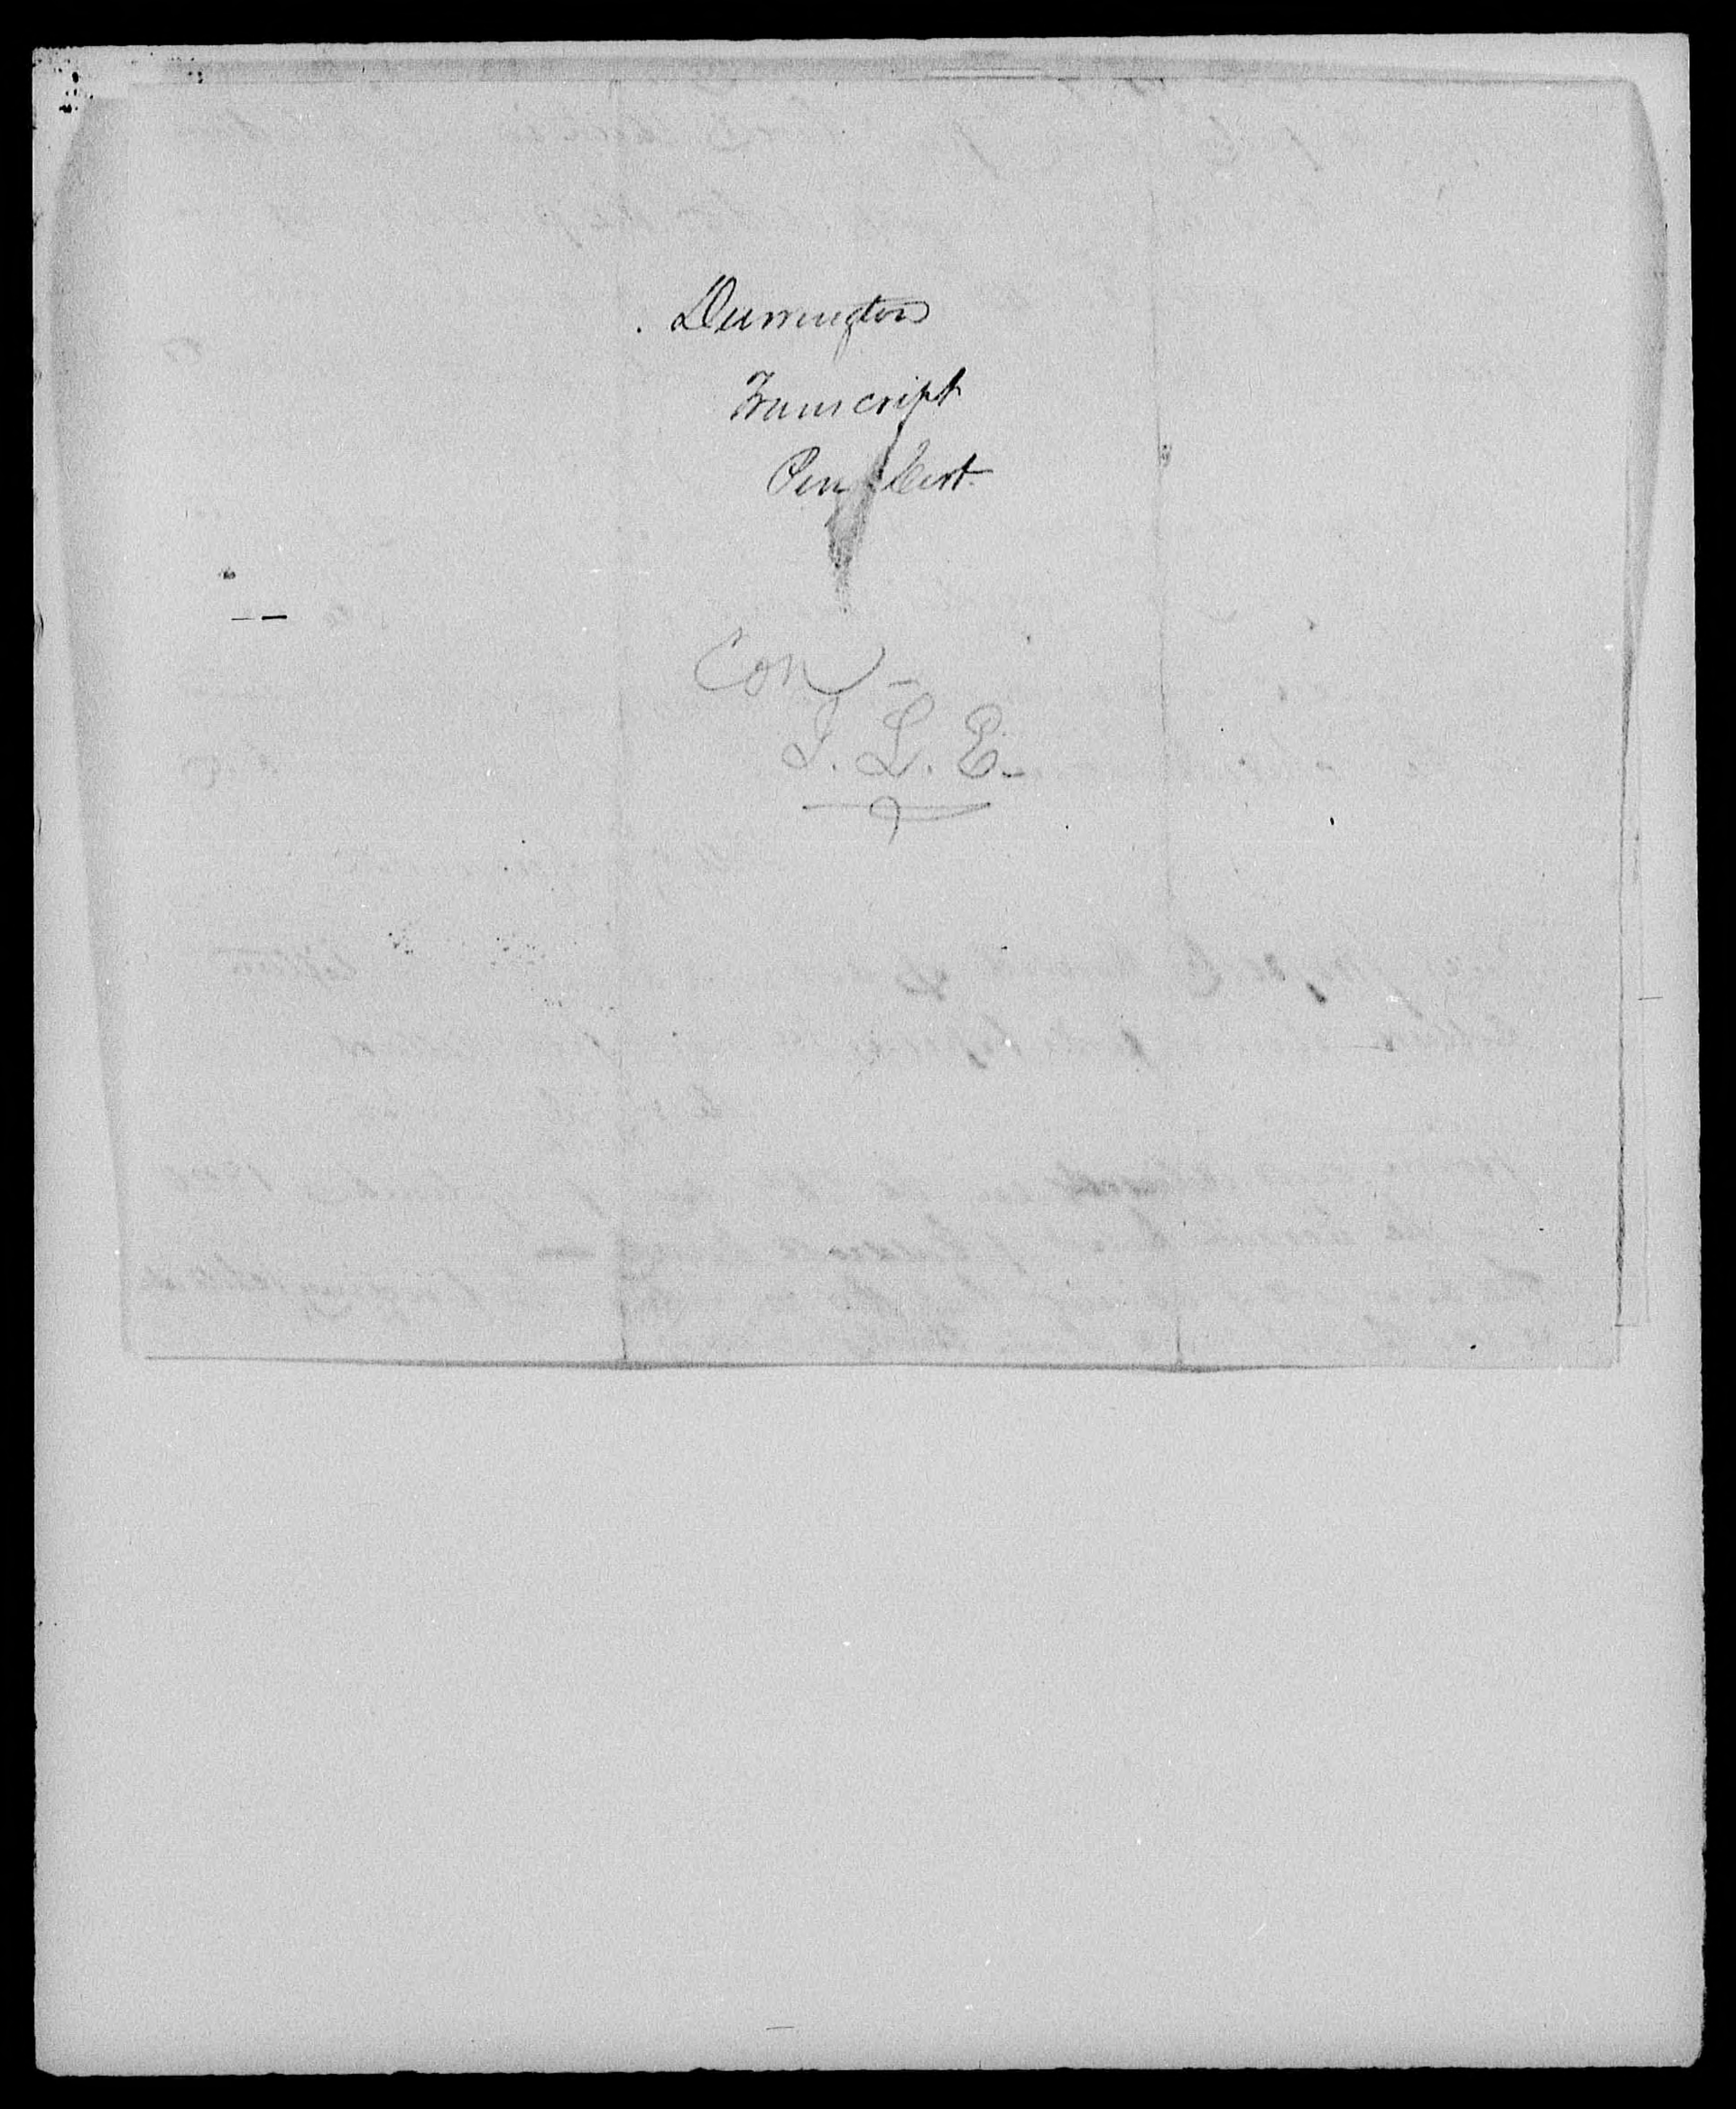Durrington
Transcript
Pen Cert


Con
I.L.E.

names: Durrington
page: 40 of 51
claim: widow's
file: W. 27,409, William Dunnington, Md.